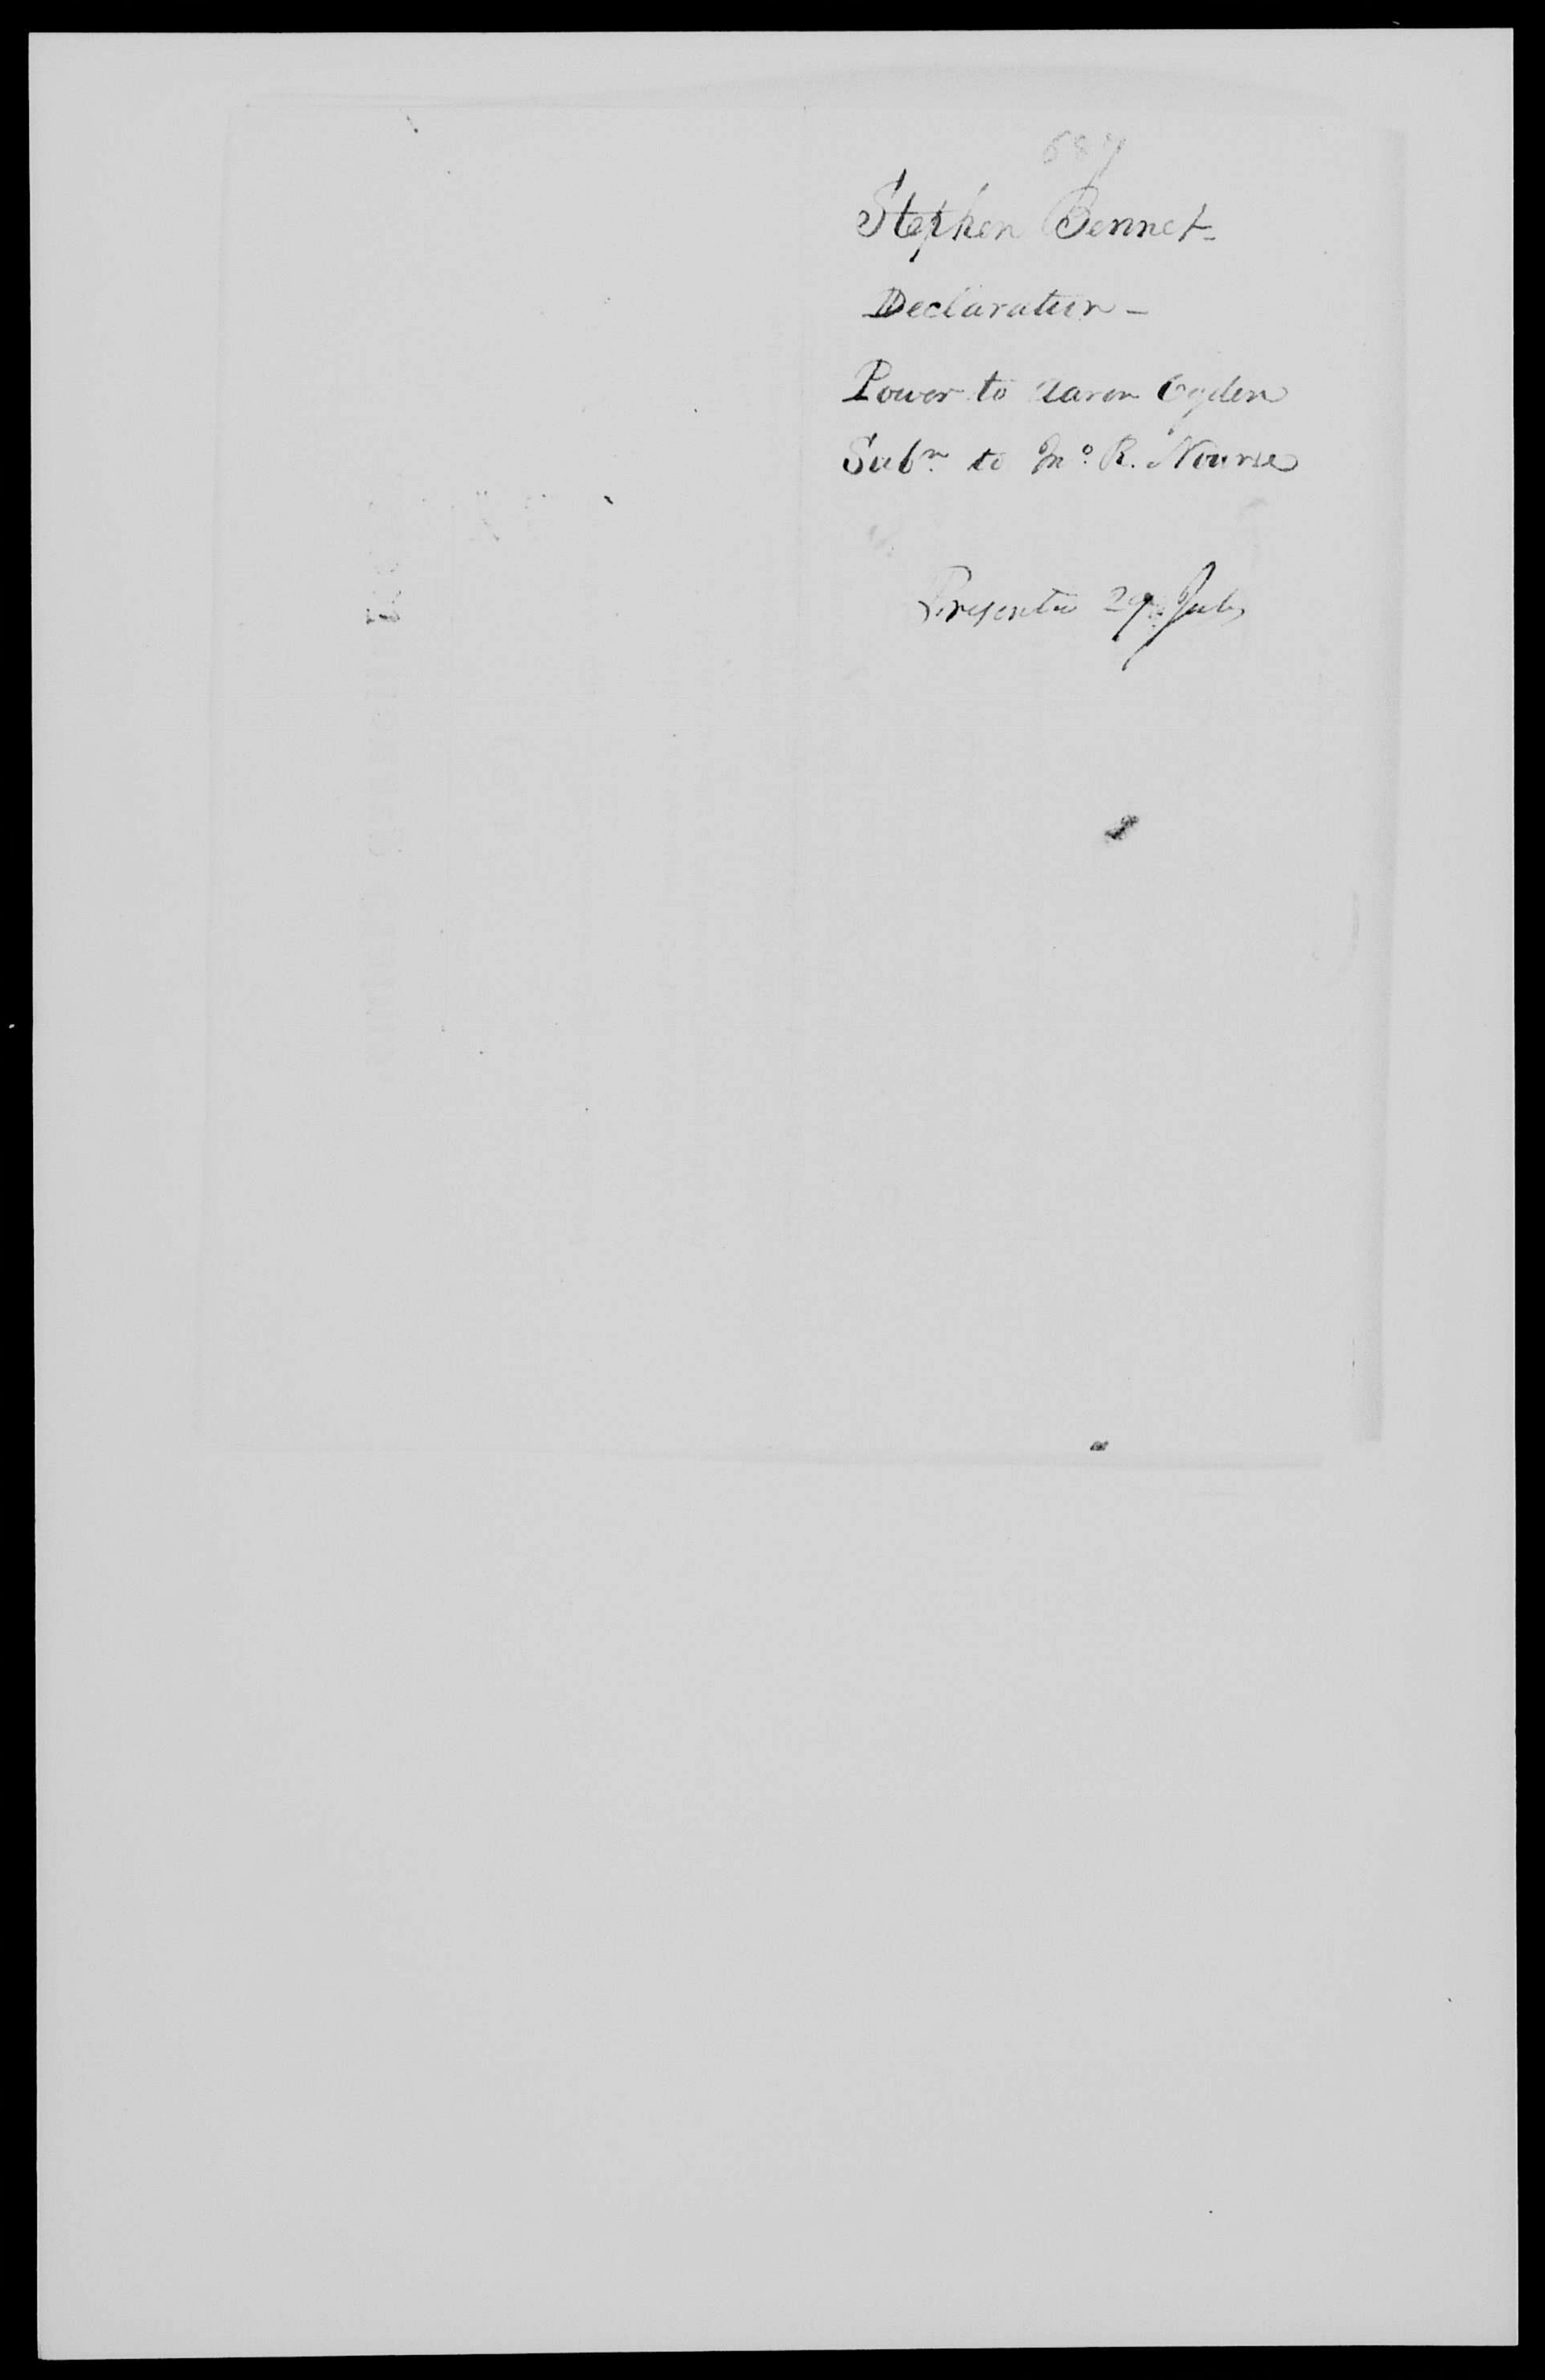Stephen Bennet
Declaration-
Power to Aaron Ogden
Sub to M.R. Noure
Presenter 29 July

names: Aaron Ogden, Stephen Bennet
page: 42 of 79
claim: widow's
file: W. 2,906, Stephen Bennet, Conn.